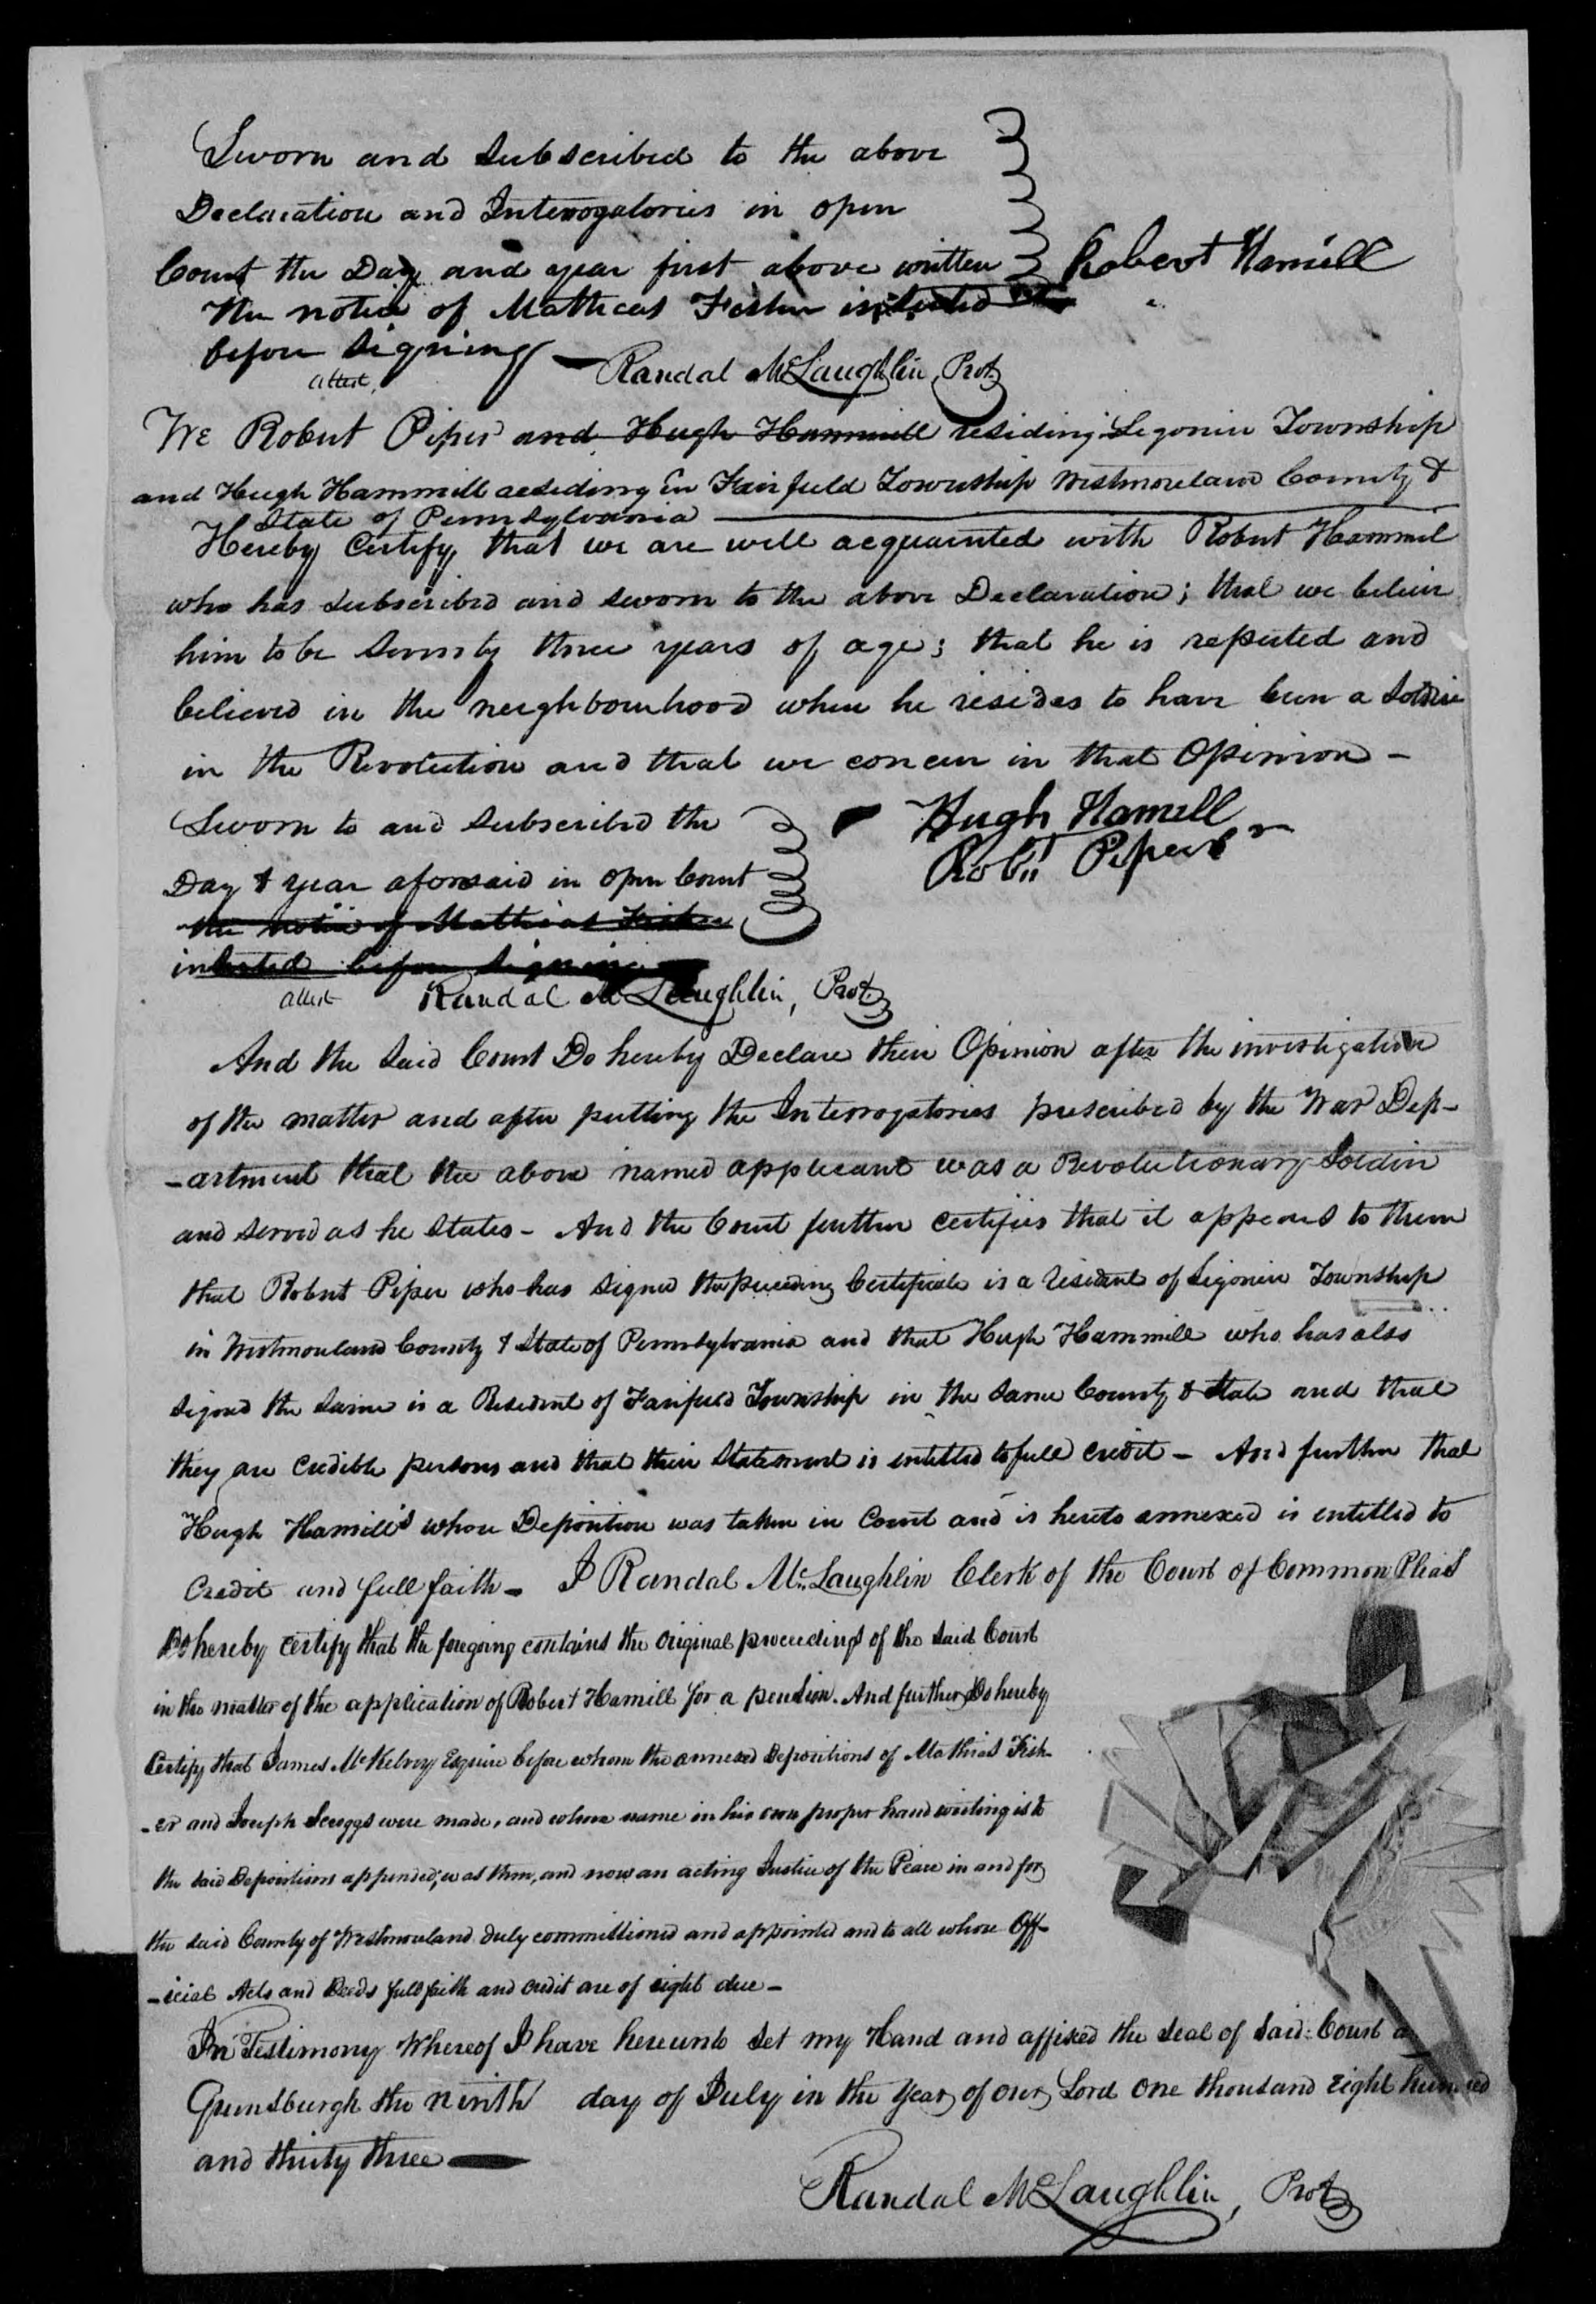Sworn and subscribed to the above declaration   and interrogatories in open Court this day and year first above written notice of Mathias Fisher before signing -
Randal McLaughlin Proth
Robert Hammill

The Robert Piper residing Ligonier Township and Hugh Hammill residing in Fairfield Township Westmoreland County and State of Pennsylvania - Hereby certify that we are well acquainted with Robert Hammill who has subscribed and sworn to the above declaration; that we believe him to be seventy three years of age; that he is reputed and believed in the neighborhood where he resides to have been a soldier in the Revolution and that we concur in that opinion. 

Sworn to and subscribed the ____ day and year aforesaid in open court
Hugh Hammill
Robert Piper 
_____ Randal McLaughlin, Proth

And the said Court do hereby declare their opinion after the investigation of the matter and after putting the interrogatories prescribed by the War Department that the above named applicant was a Revolutionary soldier and served as he state.  And the court further certifies that it appeared to them that Robert Piper who has signed  ____ _____ is a resident of Ligonier Township in Westmoreland County and State of Pennsylvania and that Hugh Hammill who has also signed the ____ is a resident of Fairfield Township in the same county and State and that they are credible persons and that their statement is entitled to full credit -  and further that Hugh Hammill whose deposition was taken in court and is hereto ___ is entitled to credit and full faith.

J. Randal McLaughlin Clerk of the Court of Common Pleas

Do hereby certify that the foregoing contains the original proceedings of the said Court in the matter of application of Robert Hammill for a pension.  And further do hereby certify that the named McKelny Esquire before whom the named depositions of Matthew Fisher and Joseph ____ were made, and whose name in his  proper hand writing as to the said deposition appended was then and now acting Justice of the Peace in and for the said County of Westmoreland duly commissioned and appointed and to all whose official acts and deeds full faith and credit are right due.

In testimony whereof I have hereunder set my hand and affixed the seal of said Court ____ the ninth day of July in the year of our Lord one thousand eight hundred and thirty- three.

Randal McLaughin, Proth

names: Randal Mc Laughlin, Joseph Scroggs, Robert Hamill, Robert Piper, Mathias Fisher, Randal Mc Laughlin, Robt Piper, Hugh Hamill, Hugh Hammill, Randal Mc Laughlin, Robert Hammil, Randal Mc Laughlin, Hugh Hammill, Robert Piper, Robert Hamill, Mathias Fisher, James Mc Kelvey, Hugh Hamill, Hugh Hammill, Mathias Fisher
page: 14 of 92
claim: widow's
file: W 1173, Robert Hamill, Penn.